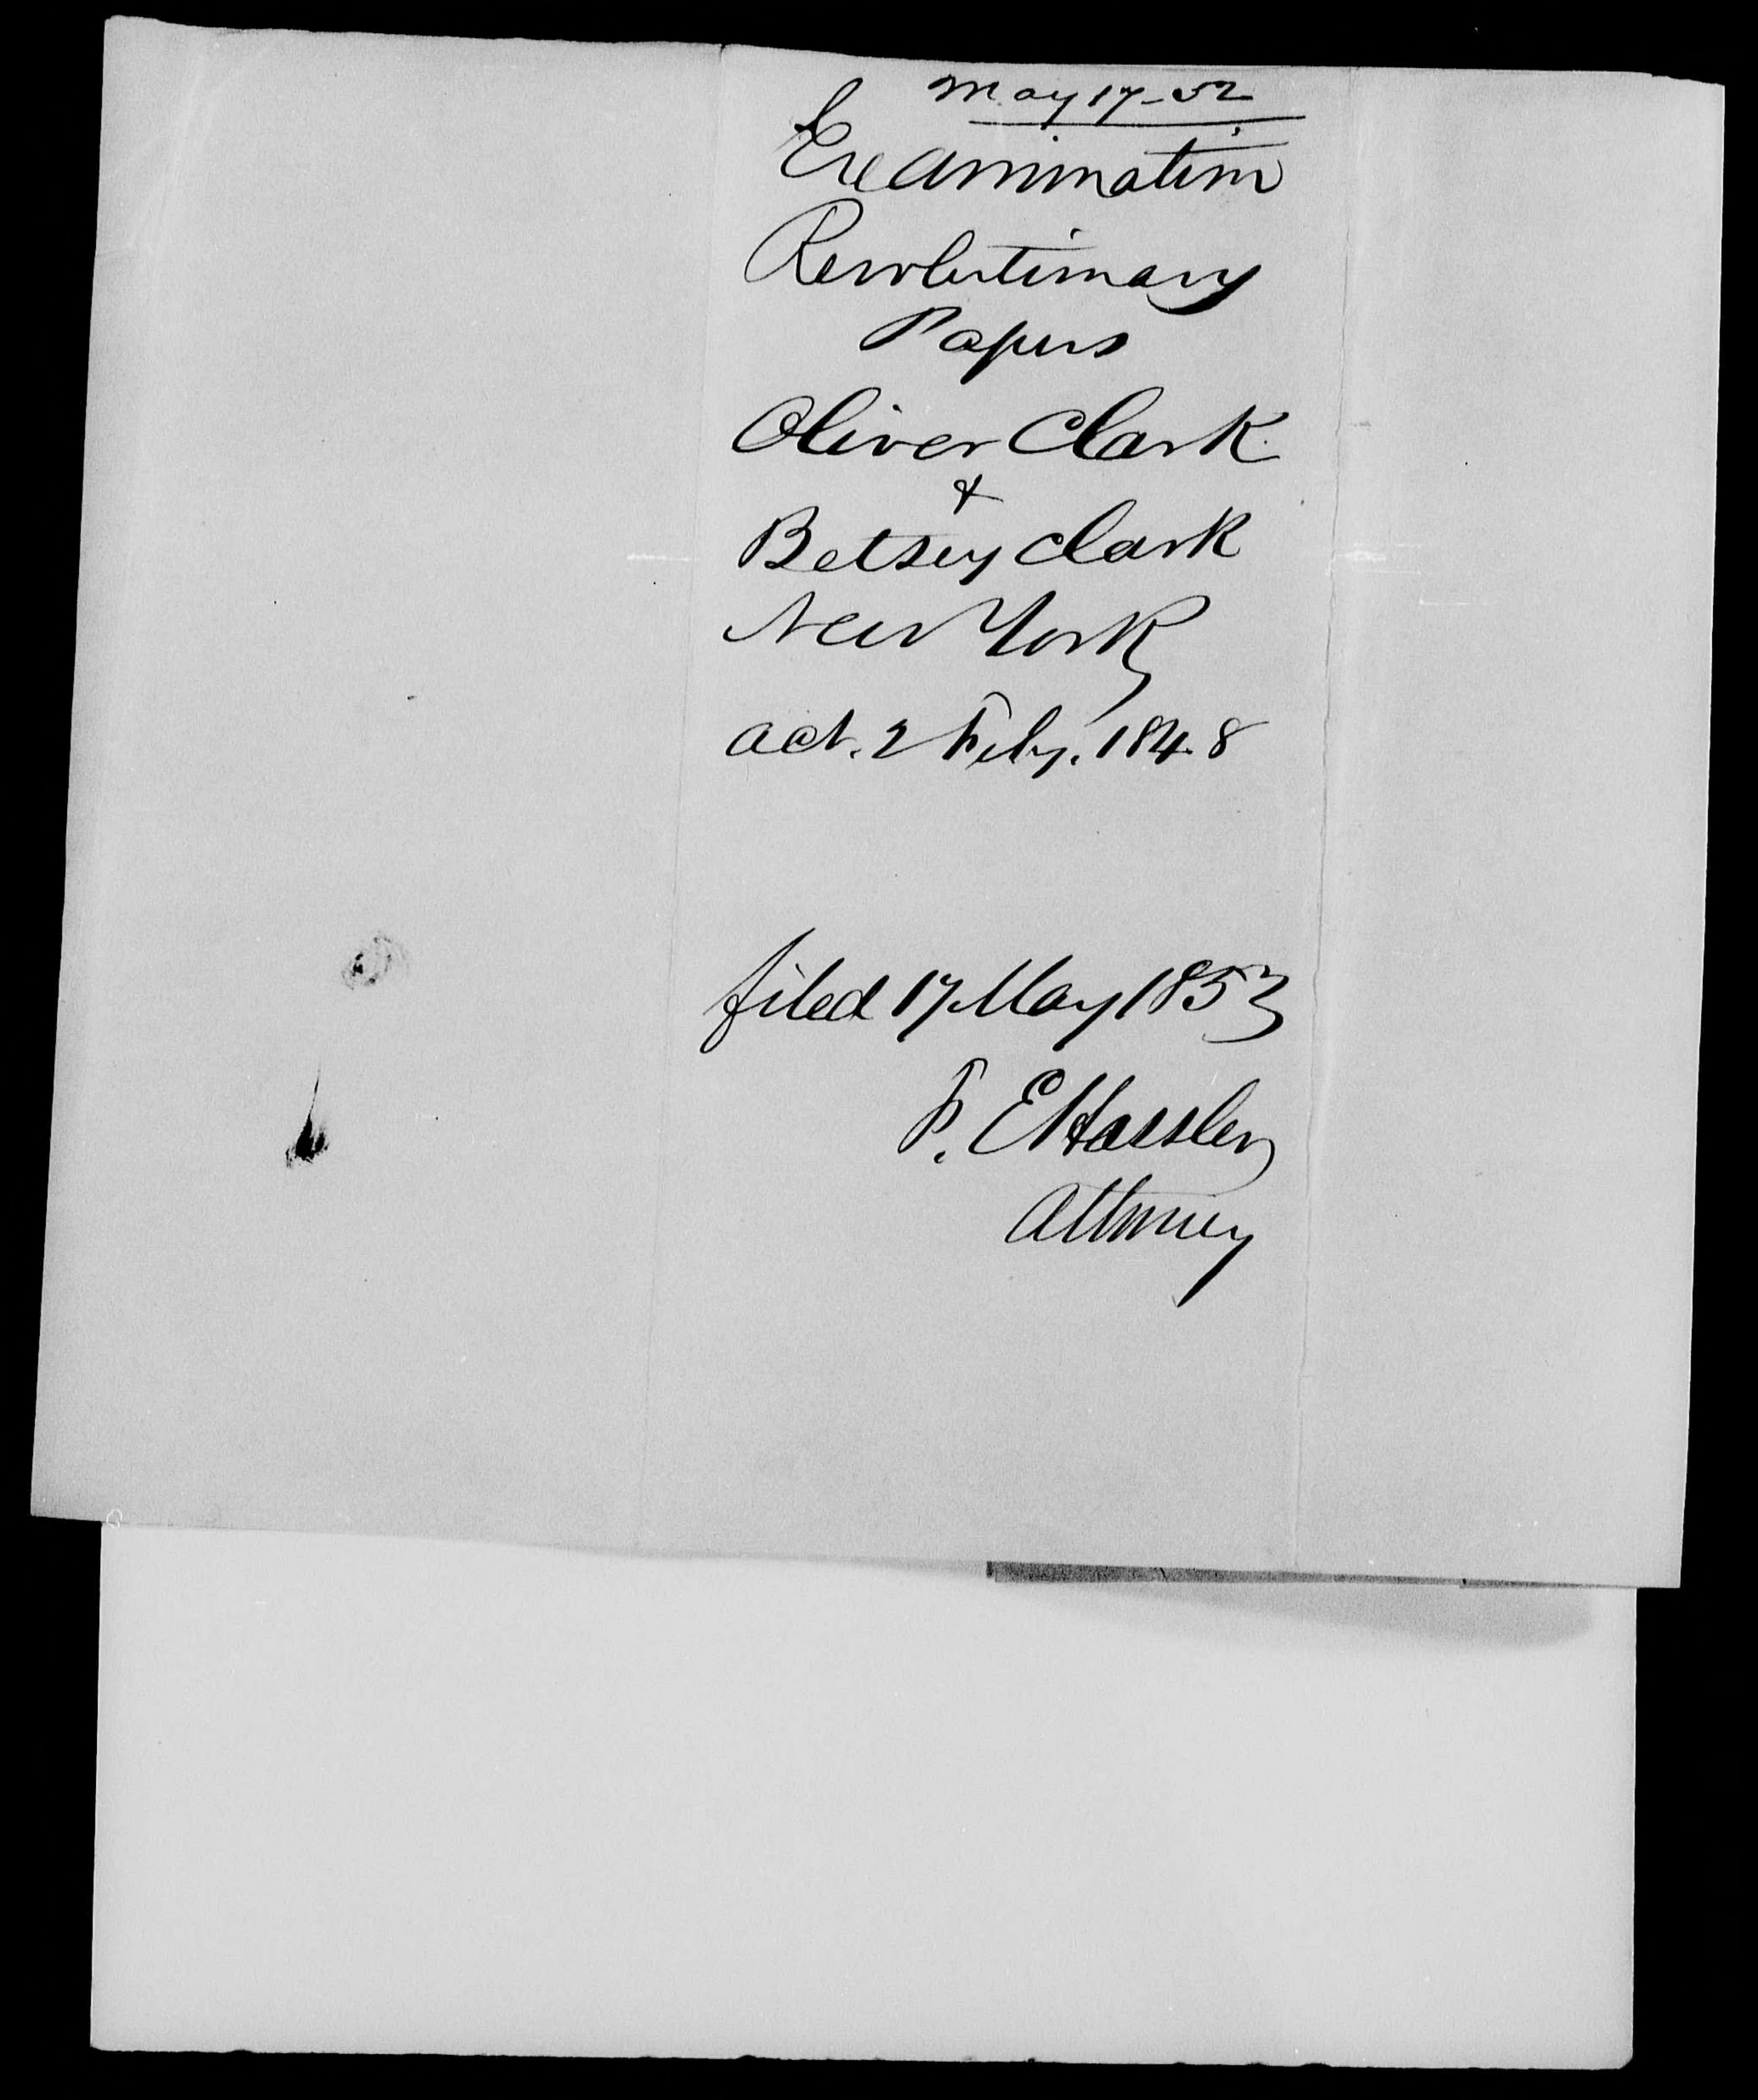May 17 - 52
Examination
Revolutionary 
Papers
Oliver Clark
&
Betsey Clark
Act. 2. July. 1848

filed 17 May 1853
F E Hassler
Attorney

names: F E Hassler, Betsey Clark, Oliver Clark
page: 7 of 51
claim: widow's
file: W. 23816, Oliver Clark, Conn.